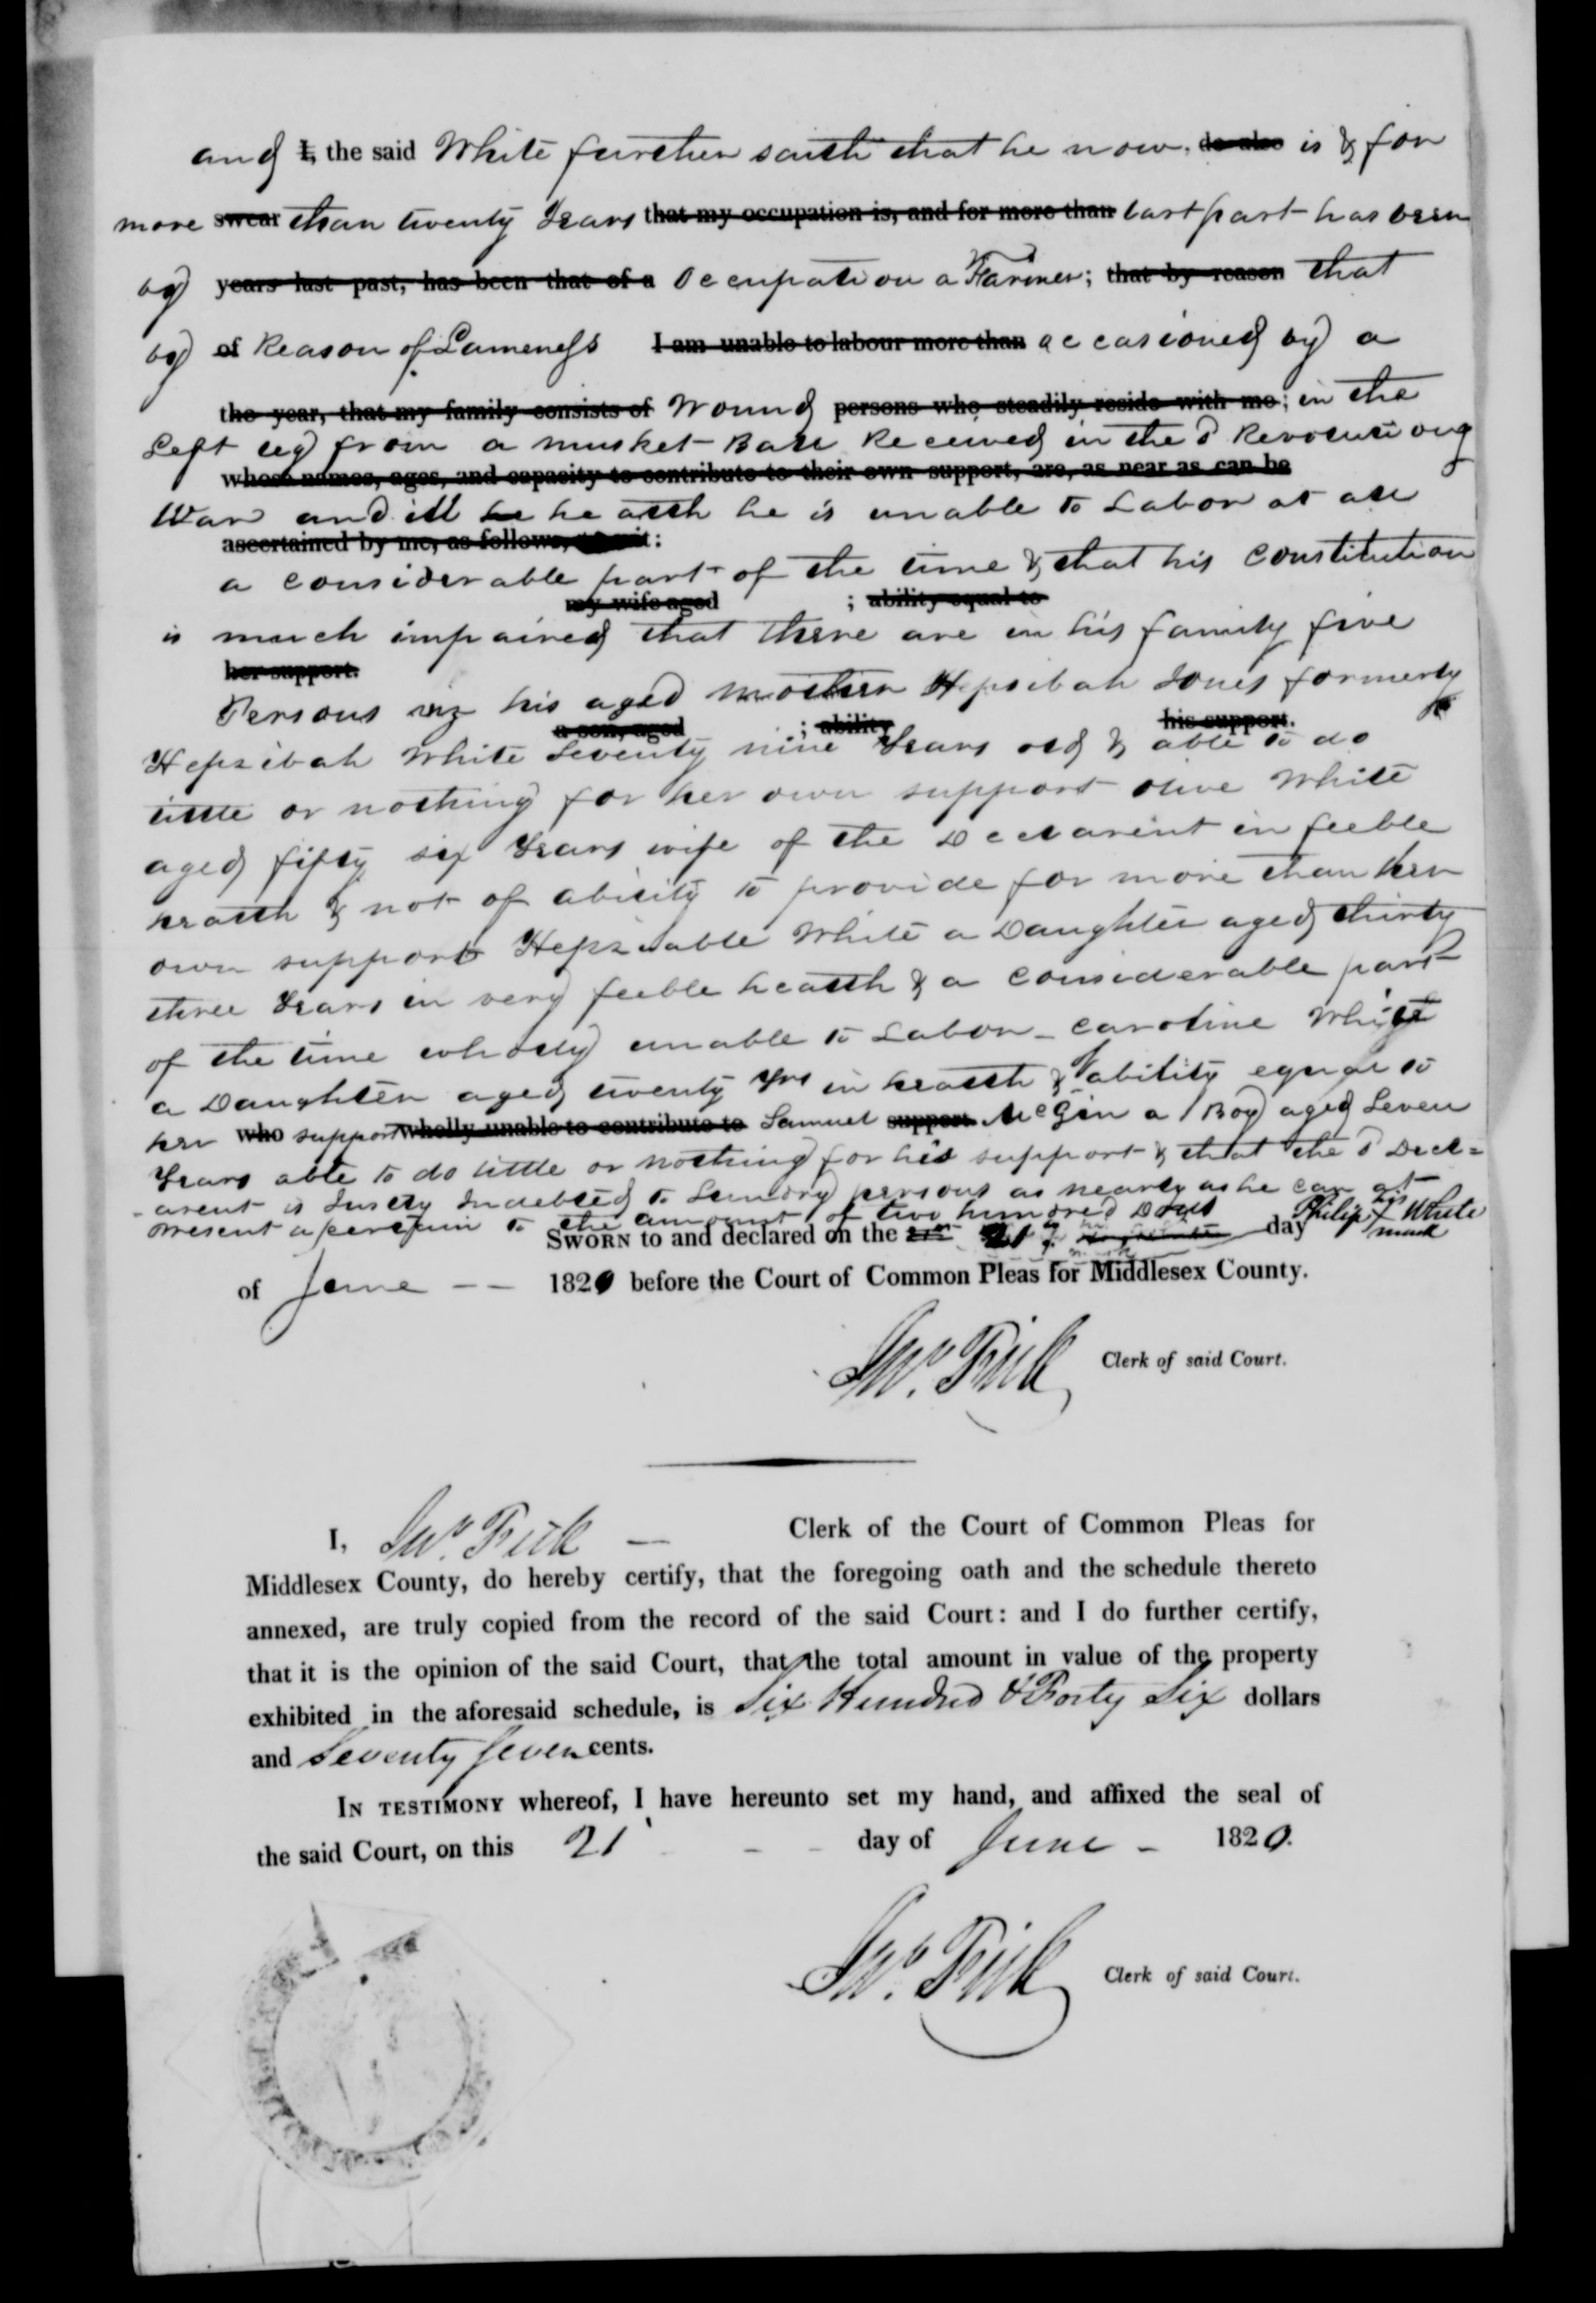and [crossed out: I], the said White further saith that he now, [crossed out: declares] is & for
more [crossed out: swear] than twenty years [crossed out: that  my occupation is, and for more than] last past has been
by [crossed out: years last past, has been that of a] occupation a Farmer, [crossed out: that by reason] that
by [crossed out: of] Reason of lameness  [crossed out: I am unable to labour more than] occasioned by a
[crossed out: the year, that my family consists] wound [crossed out: persons who steadily reside with me]; in the
Left leg from a musket ball received in the sd Revolutionary
[crossed out: whose names, ages, and capacity to contribute to their own support, are, as near as can be]
War and ill [crossed out: he] health he is unable to labor at all
[crossed out: ascertained by me, as follows to wit:]
a considerable part of the time & that his constitution
[crossed out: my wife aged; ability equal to]
is much impaired that there are in his family five
[crossed out: her support]
Persons viz his aged mother Hepsibah Jones formerly
[crossed out: a son aged; ability his support]
Hepsibah White seventy nine years old & able to do
little or nothing for her own support Olive White
aged fifty six years wife of the Declarant in feeble
health & not of ability to provide for more than her
own support Hepsiba White a Daughter aged thirty
three years in very feeble health & a considerable part
of the time wholly unable to Labor _ Caroline White
a Daughter aged twenty yrs in health & ability equal to
her [crossed out: who] support [crossed out: wholly unable to contriute to] Samuel [crossed out: support] McGin a Boy aged Seven
years able to do little or nothing for his support & that the sd Declarant
is Justly indebted to sundry persons as nearly as he can at
present ascertain to the amount of two hundred Dollars
Sworn to and declared on 7 [text crossed out, illegible] day
of June 1820 before the Court of Common Pleas for Middlesex County
Jno Fisk
Clerk of said Court 

I Jno Fisk  _ Clerk of the Court of Common Pleas for
Middlesex County, do hereby certify, that the foregoing oath and the schedule thereto
annexed, are truly copied from the record of the said Court: and I do further certify,
that it is the opinion of the said Court, that the total amount in value of the property
exhibited in the aforesaid schedule is Six hundred & Forty Six dollars
and seventy seven cents
IN TESTIMONY whereof, I have hereunto set my hand, and affixed the seal of
the said Court, on this 21 day of June 1809
Jno Fisk Clerk of said Court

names: Hepsibah Jones, Philip White, Hepsibah White, Samuel Mc Gin, Jno Fisk, Caroline White, Olive White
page: 10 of 50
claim: widow's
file: W. 25,969, Philip White, Conn.